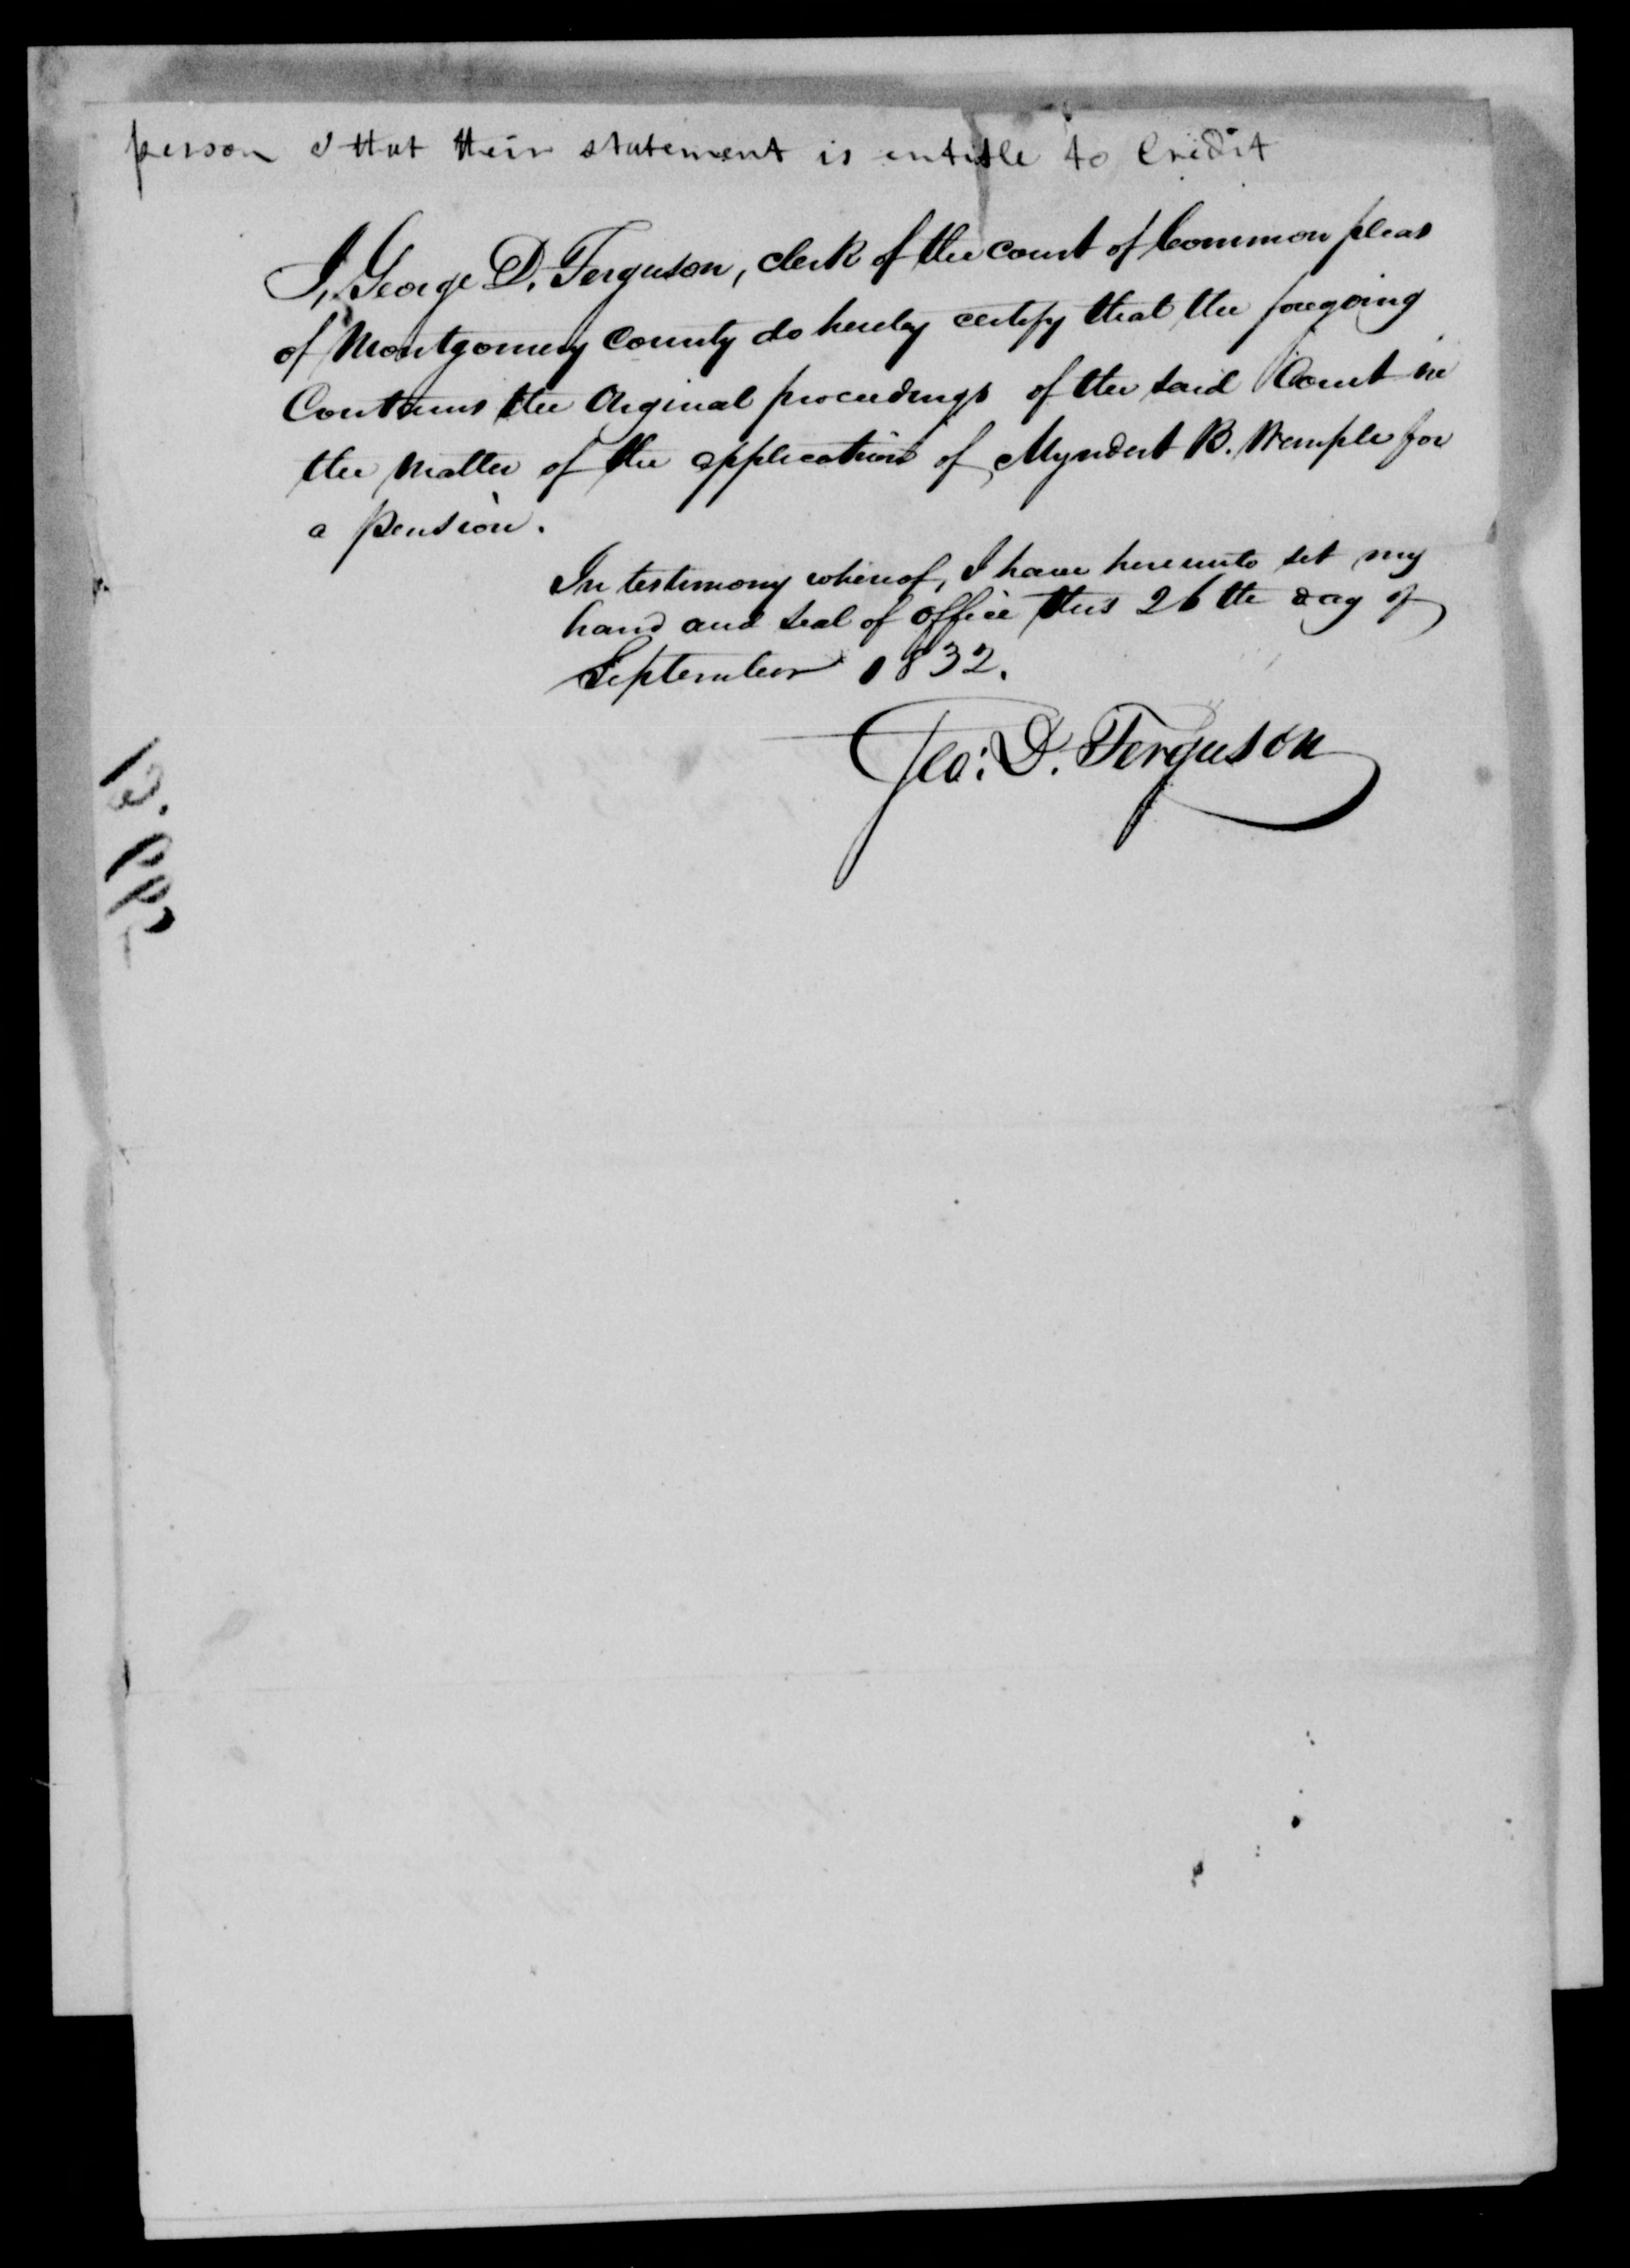person & that their statement is entitle to Credit

I, George D. Ferguson, Clerk of the Court of Common pleas
of Montgomery County do hereby certify that the foregoing
contains the original proceedings of the said Court in
the matter of the application of Myndert B. Wemple for
a pension.

In testimony whereof, I have hereunto set my
hand and seal of office this 26th day of
September 1832.
Geo: D. Ferguson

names: Myndert B Wemple, George D Ferguson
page: 9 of 51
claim: widow's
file: W. 19604, Myndert B Wemple, New York